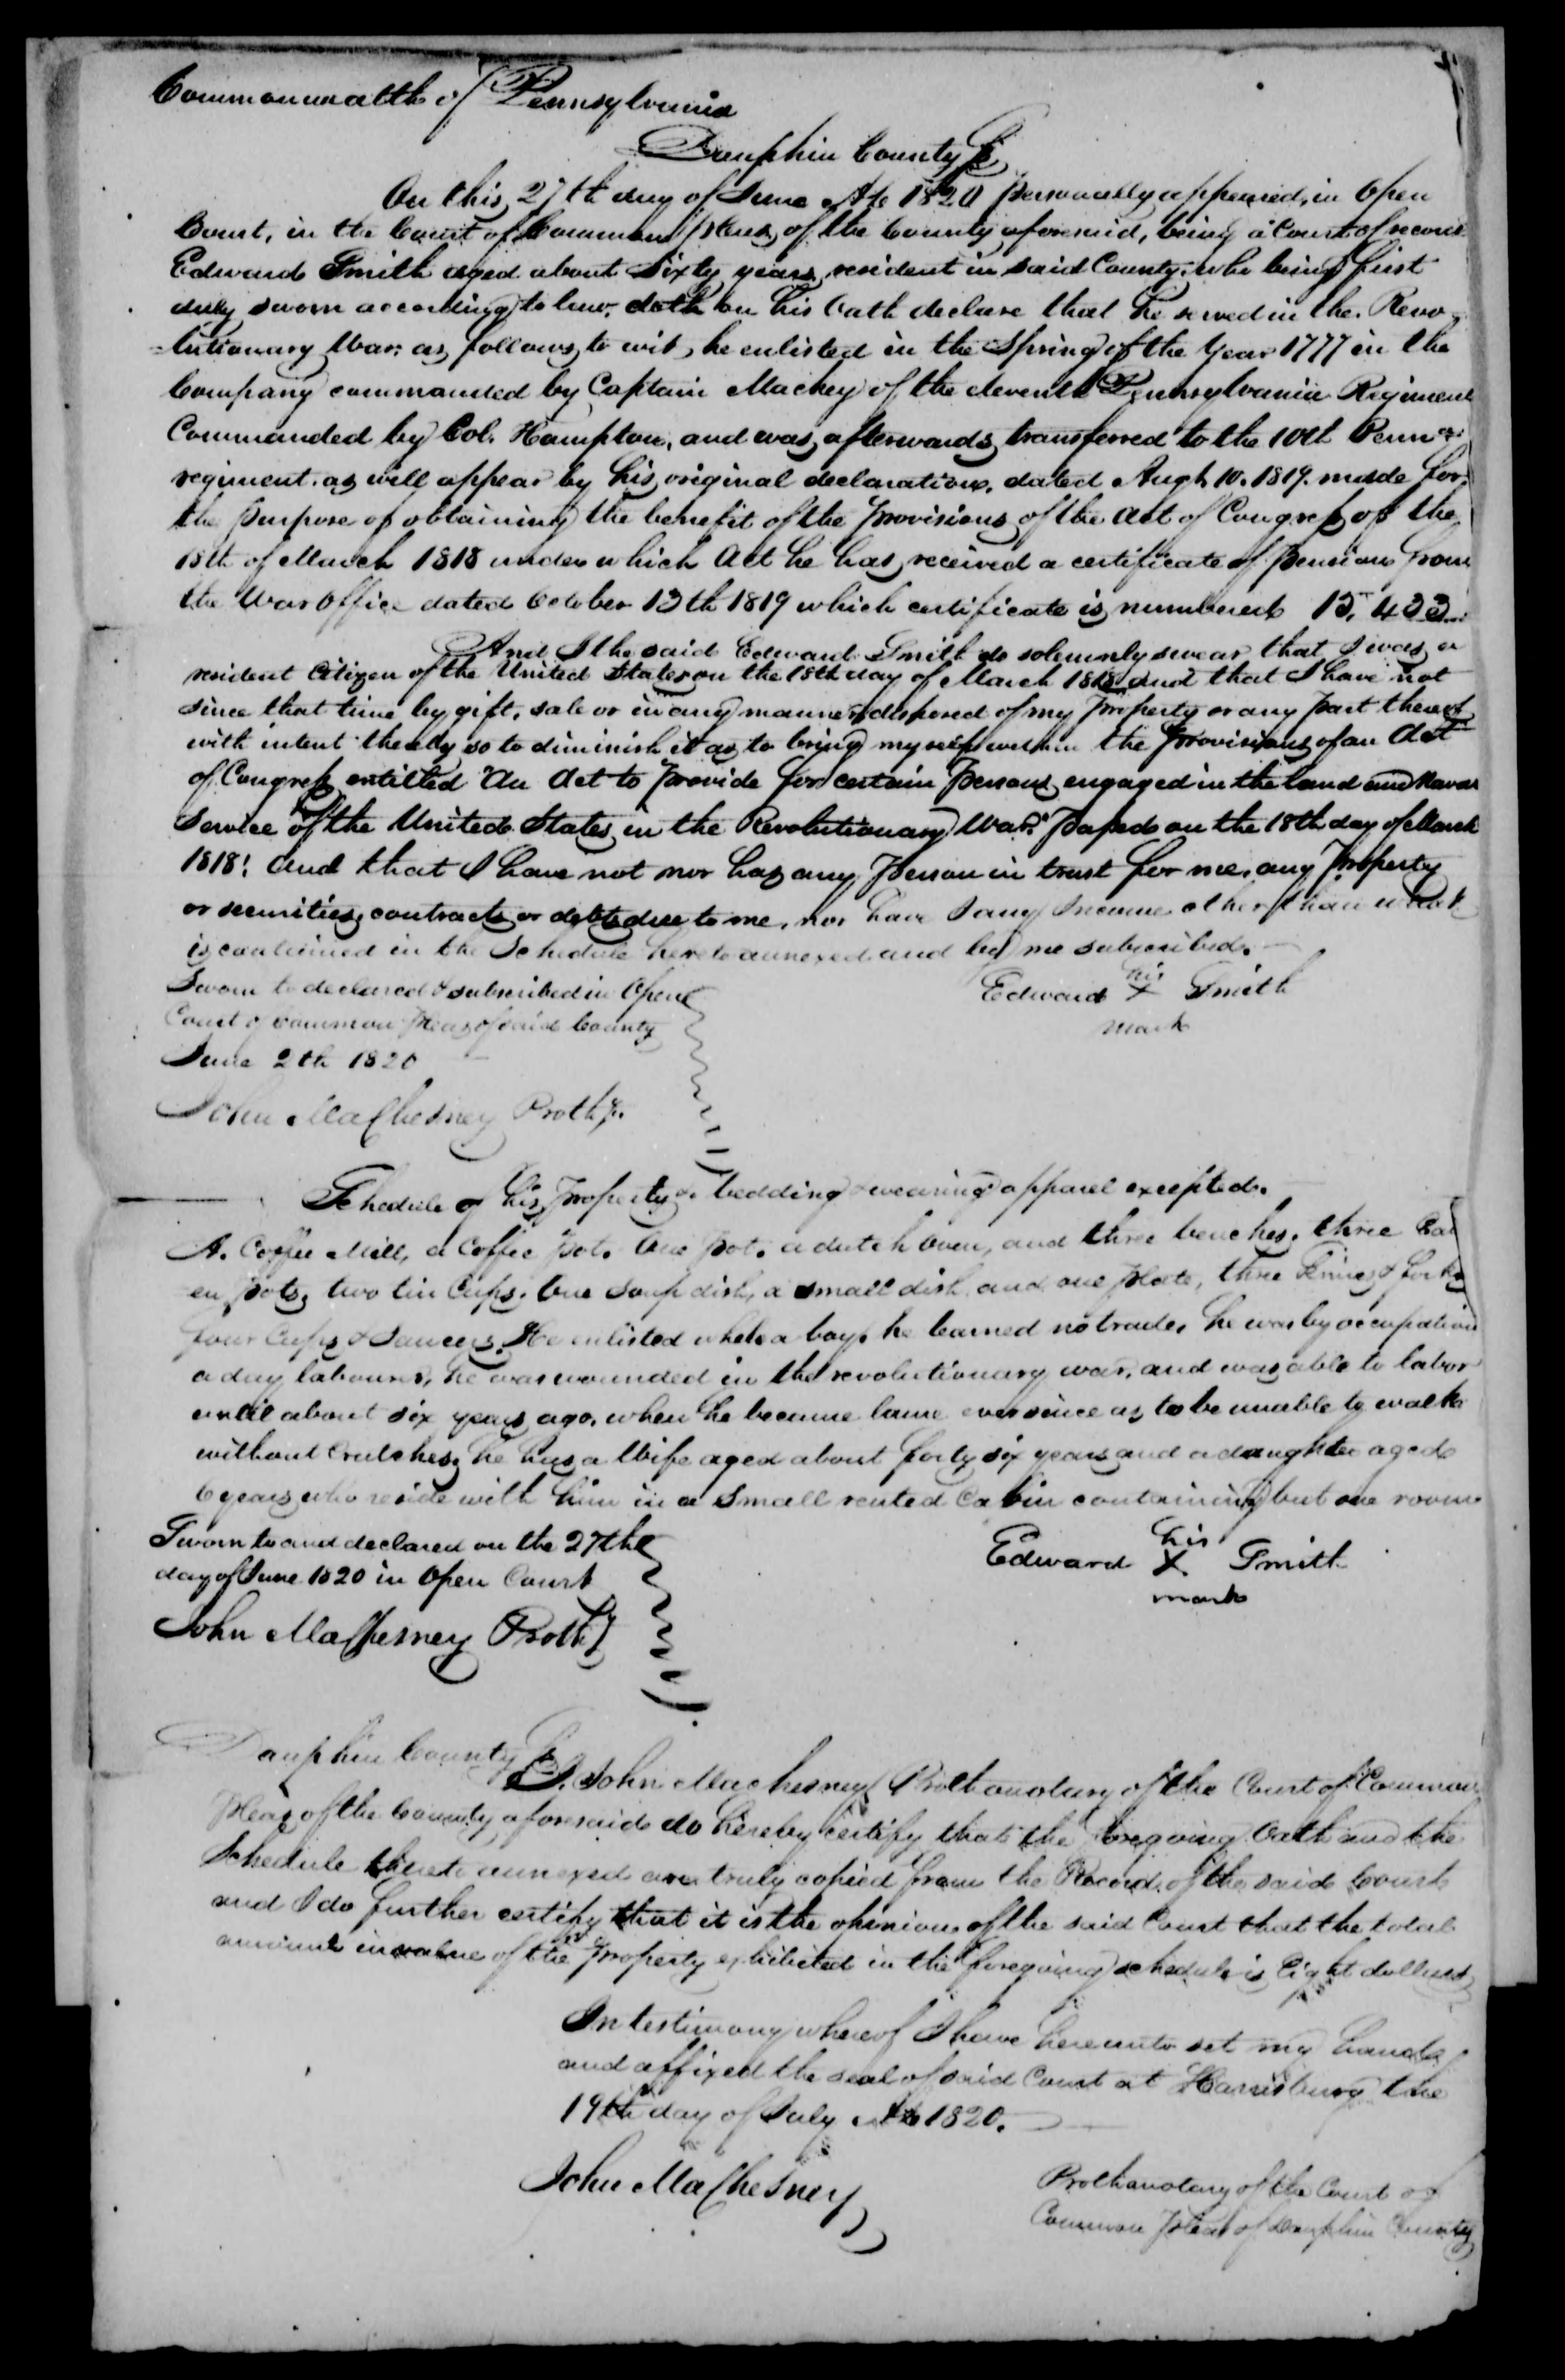Commonwealth of Pennsylvania
Dauphin County

On this 27th day of June AD 1820 personally appeared, in open
Court, in the Court of Common pleas of the County aforesaid, being a Court of record
Edward Smith aged about Sixty years, resident in said County, who being first
duly sworn according to law, doth on his oath declare that he served in the Revolutionary War as follows, to wit, he enlisted in the spring of the year 1777 in the Company commanded by Captain Mackey of the eleventh Pennsylvania Regiment commanded by Col. Hampton, and was afterwards transferred to the 10th Penna. regiment, as will appear by his original declaration, dated Aug 10, 1819. made for the purpose of obtaining the benefit of the provisions of the act of Congress of the
18th of March 1818 under which act he has received a certificate of Pension from
the War Office dated October 13th 1819 which certificate is numbered 15. 433.
And I the said Edward Smith do solemnly swear that I was a resident Citizen of the United States on the 18th day of March 1818 and that I have not since that time by gift, sale or in any manner disposed of my property or any part thereof with intent thereby so to diminish it as to bring myself within the provisions of an act of Congress entitled "an act to provide for certain persons engaged in the land and Naval service of the United States, in the Revolutionary War" passed on the 18th day of March 1818; and that I have not nor has any person in trust for me, any property
or securities, contracts or debt due to me, nor have I any income other than what
is contained in the Schedule hereto annexed, and by me subscribed.

Edward Smith {signature with mark}

Sworn to ,declared & subscribed in open
Court of Common pleas of said County
June 27th 1820

John Machesney, Proth.

Schedule of his property  bedding & wearing apparel excepted.
A Coffee Mill, a coffee pot. One pot, a dutch oven, and three benches, three {illegible}
pots, two tin Cups, One soup dish, a small dish and one plate, three knives & forks, four cups and saucers. He enlisted when a boy, he learned no trade, he was by occupation a
day labourer, he was wounded in the revolutionary war, and was able to labor
until about six years ago, when he became lame ever since as to be unable to walk
without crutches, he has a wife aged about forty six years and a daughter aged 6
years, who reside with him in a small rented cabin containing but one room.

Edward Smith {signature with mark}

Sworn to and declared on the 27th
day of June 1820 in open Court

John Machesney Proth.

Dauphin County ss
I John Machesney Prothonotary of the Court of Common Pleas of the County aforesaid do hereby certify that the foregoing oath and the
Schedule thereto annexed are truly copied from the Record of the said Court
and I do further certify that it is the opinion of the said Court that the total
amount in value of the property exhibited in the foregoing schedule is Eight dollars.

In testimony whereof I have hereunto set my hand and affixed the seal of said Court at Harrisburg the 19th day of July AD 1820

John Machesney
Prothonotary of the Court of
Common Pleas of Dauphin County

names: Edward Smith; John Machesney; John Machesney; Edward Smith; [BLANK] Mackey; [BLANK] Hampton; Edward Smith; John Machesney; Edward Smith; John Machesney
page: 8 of 20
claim: survivor's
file: S 40454, for Edward Smith, Pennsylvania